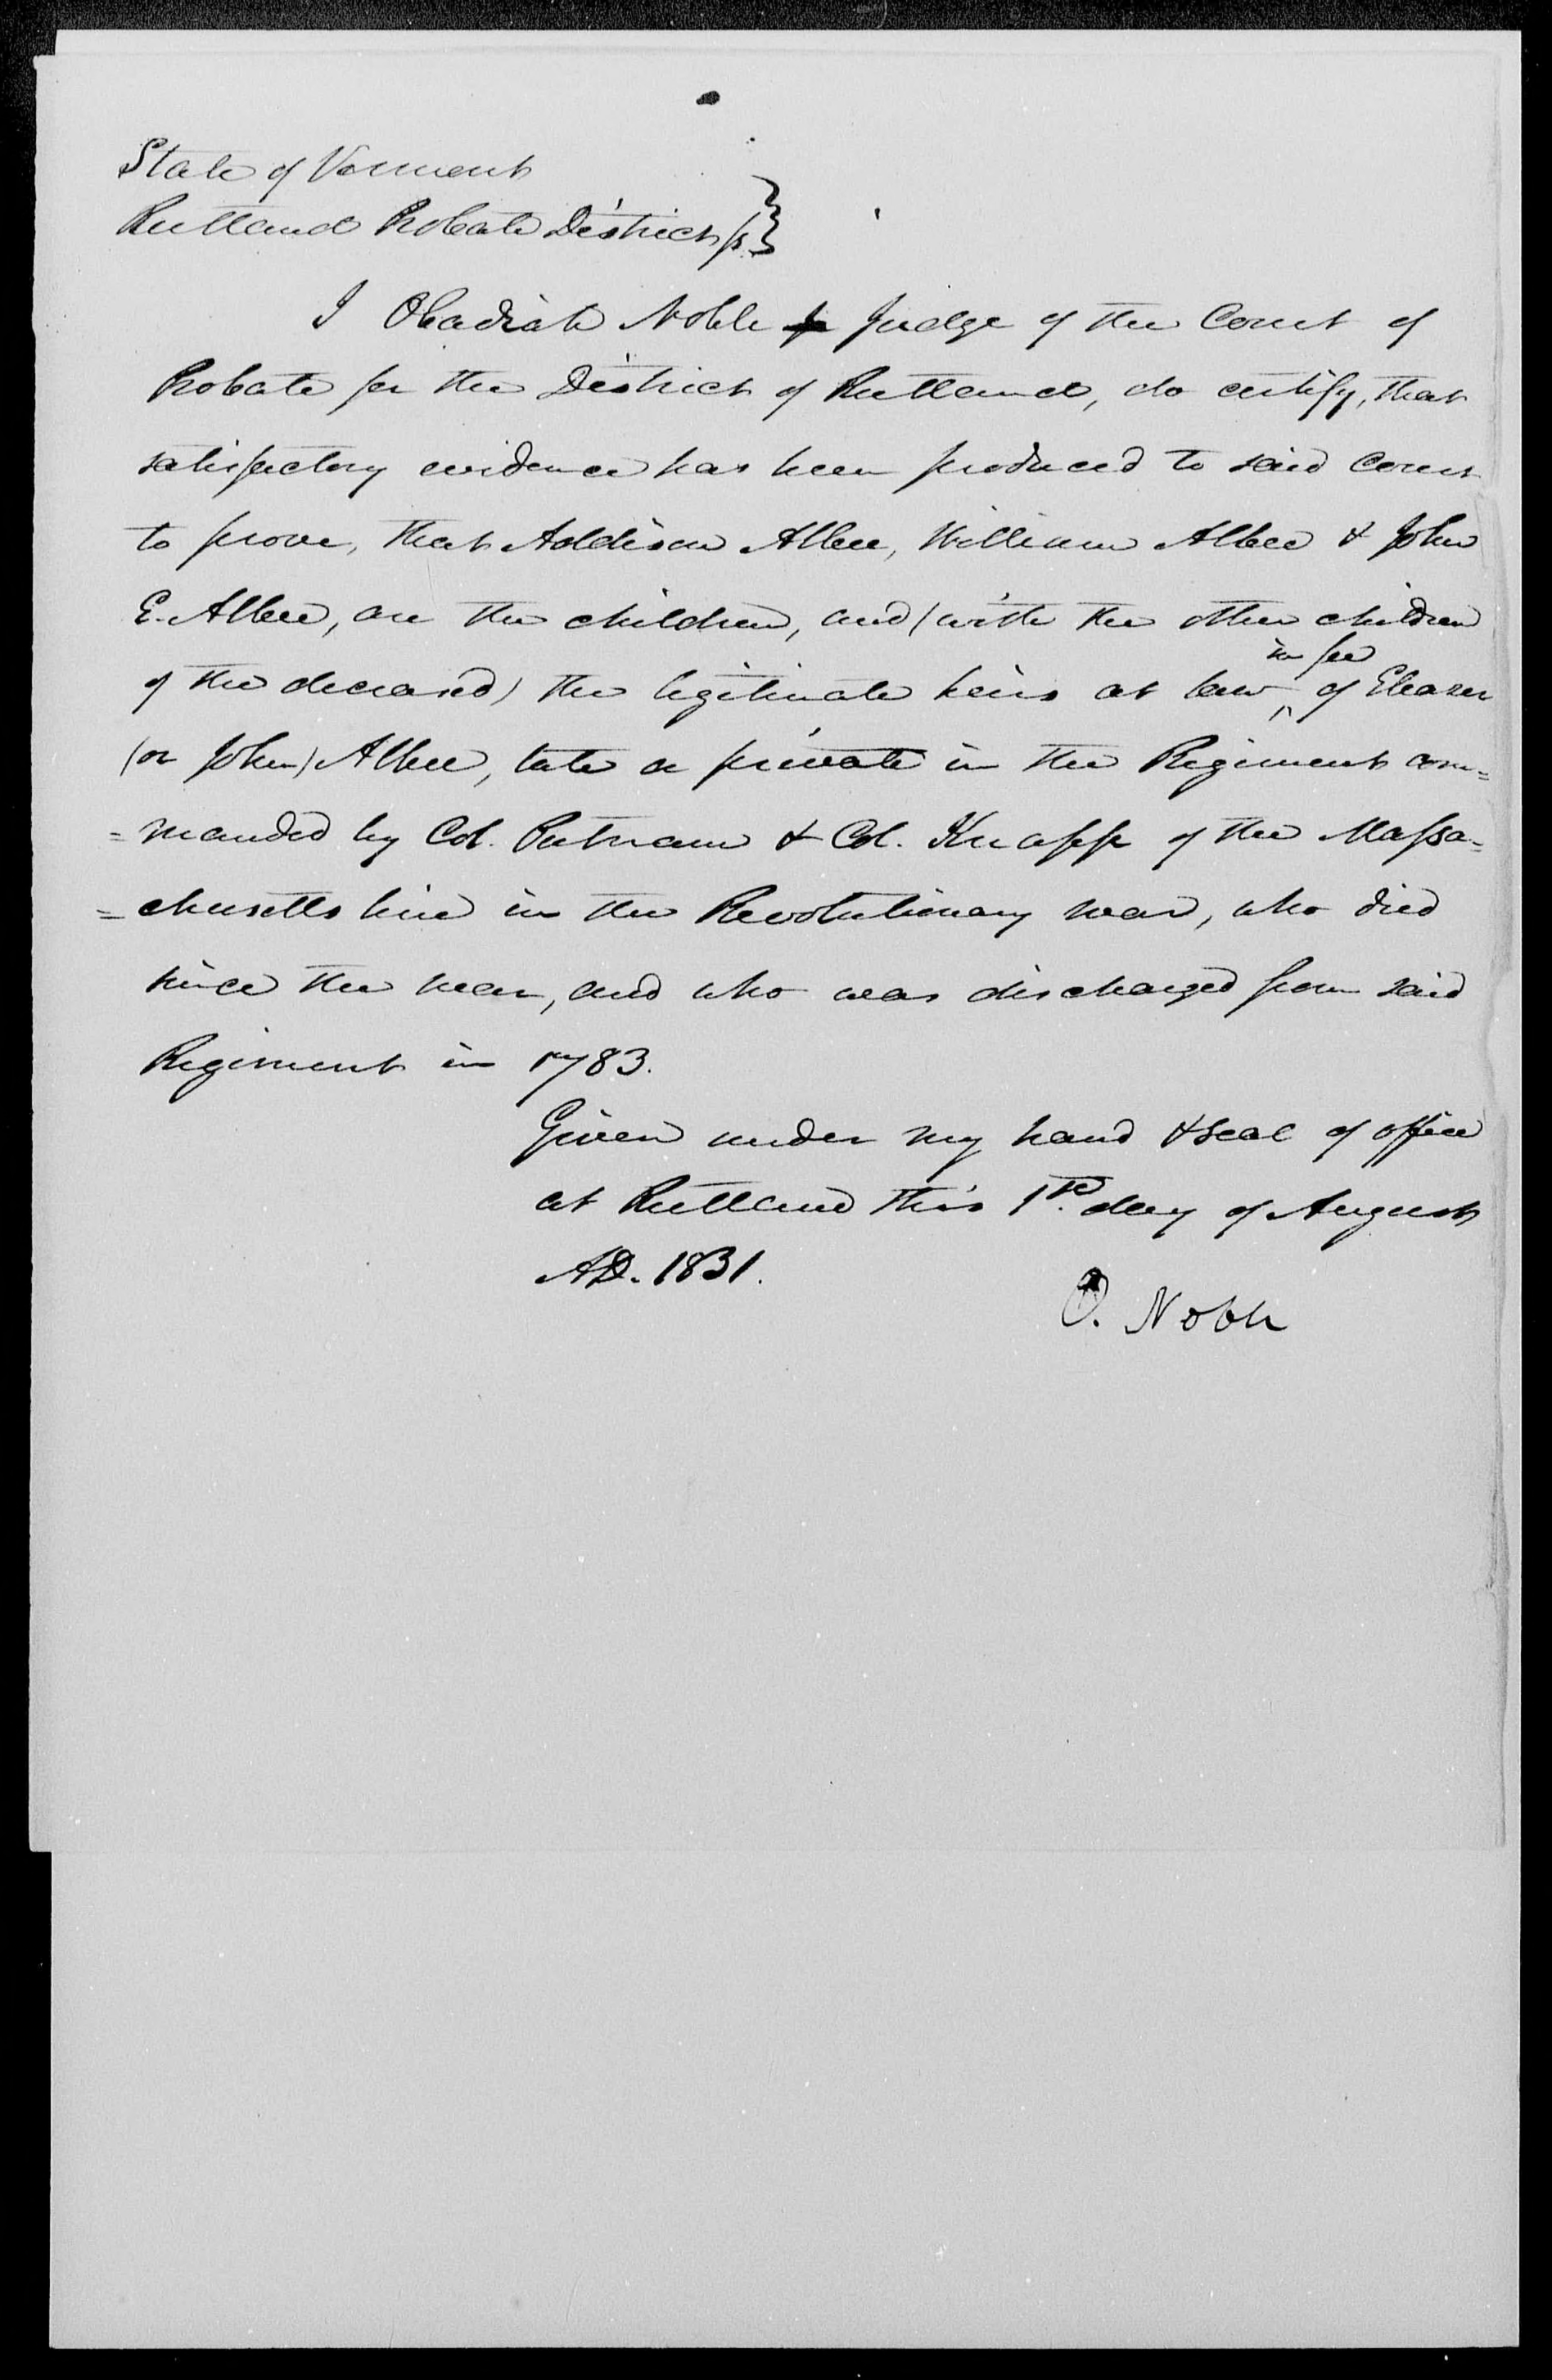State of Vermont
Rutland Probate District ss.

I Obadiah Noble Judge of the Court of Probate for the District of Rutland, do certify that satisfactory evidence has been produced to said court to prove, that Addison Albee, William Albee and John E. Albee, are the children, and /with the other children of the deceased, the legitimate heirs at law/in-law of Eleazer (or John Albee), late a private in the Regiment commanded by Col. Putnam and Col. Knapp of the Massachusetts line in the Revolutionary war, who died since the war, and who was discharged from said regiment in 1783.

Given under my hand and seal of office at Rutland this 1st day of August AD 1831.

O. Noble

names: Obadiah Noble, Addison Albee, John Albee, O Noble, John E Albee, Eleazer Albee, Knapp, Putnam, William Albee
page: 20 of 29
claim: survivor's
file: S 41404, Eleazer John Albee, Mass. Privateer